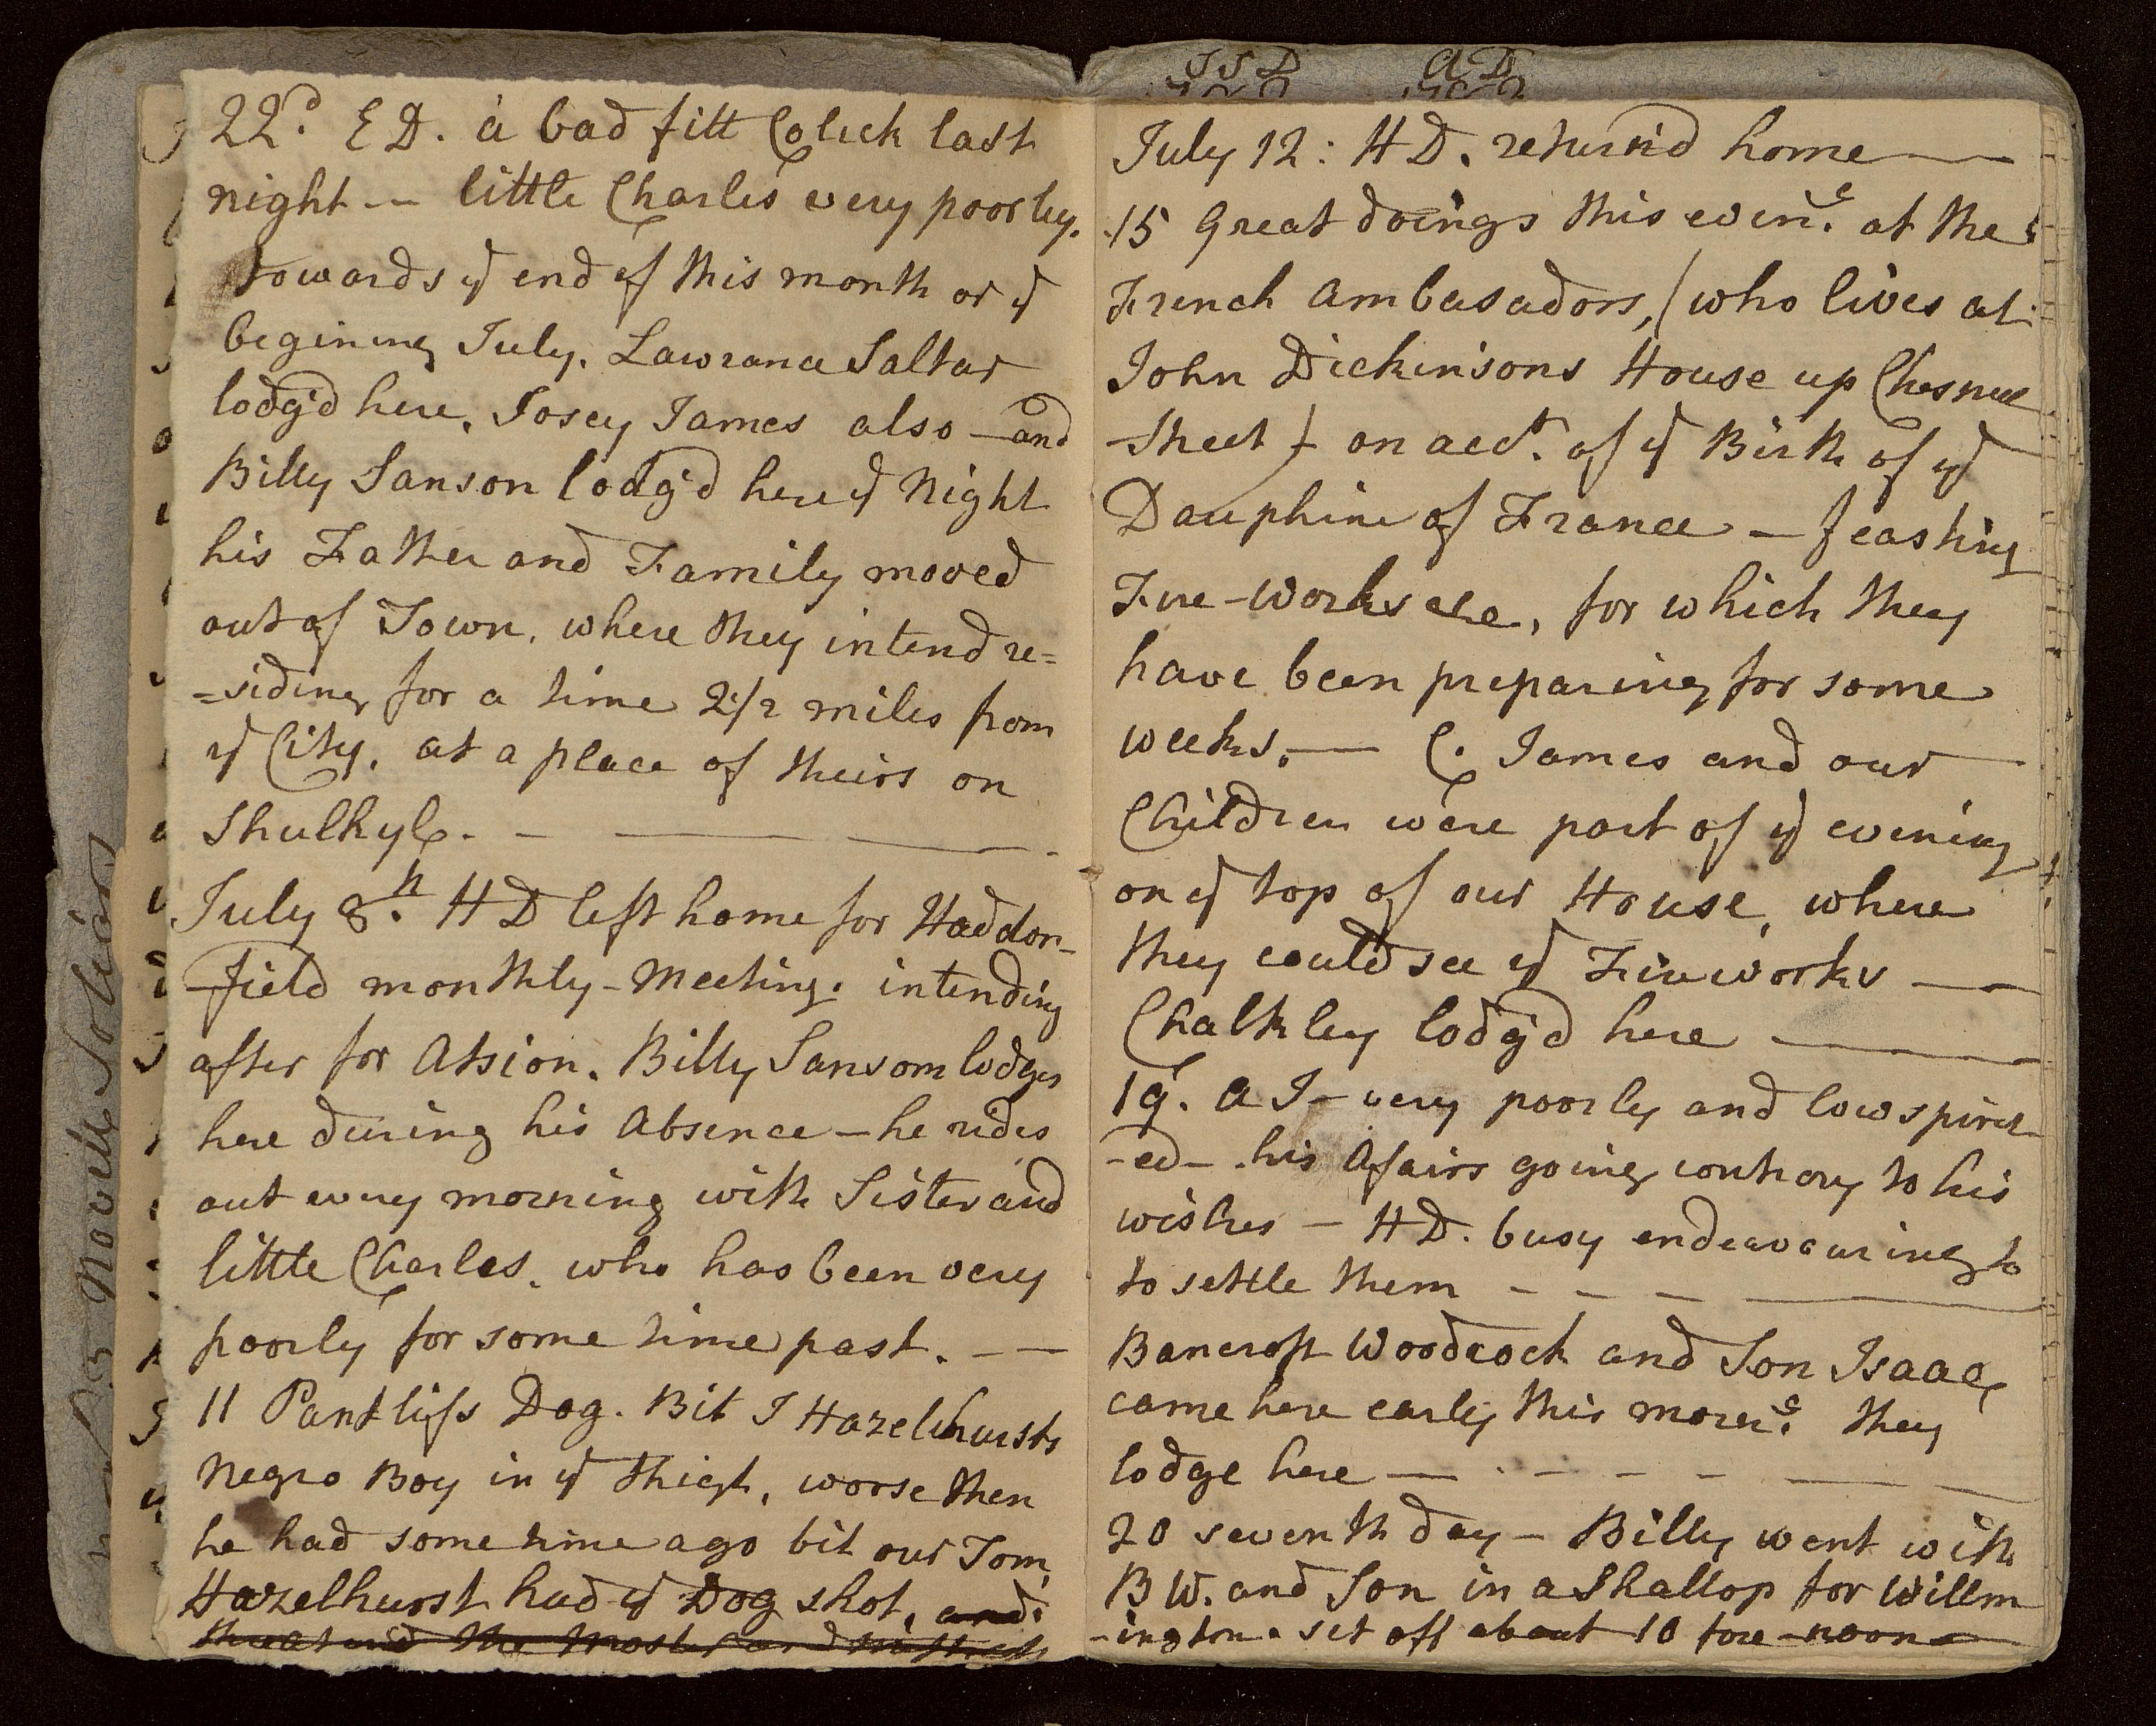22^d. ED. a bad fitt Colick last
night- little Charles very poorley.
towards y^e end of this month or y^e
begining July, Lawrance Saltar
lodg'd here, Josey James, also- and
Billy Sanson lodg'd here y^e night
his Father and Family moved
out of Town, where they intend re-
-siding for a time 2 1/2 miles from
y^e City. at a place of theirs on
Shulkyl-
July 8^h. HD left home for Haddon-
field monthly- Meeting. intending
after for Atsion. Billy Sansom lodges
here during his Absence- he rides
out every morning with Sister and
little Charles, who has been very
poorly for some time past.--
11 Pantlifs Dog. Bit J Hazelhursts
Negro Boy in y^e thigh, worse then
he had some time ago bit our Tom
Hazelhurst had y^e Dog shot, and
[threat and the most ____________]
July 12: H D. return'd home-
15 Great doings this even^g. at the
French Ambasadors, (who lives at
John Dickinsons House up Chesnut
-Street) - on acc^t. of y^e Birth of y^e
Dauphin of France- feasting
Fire- Works &c, for which they
have been preparing for some
weeks.- C. James and our
Children were part of y^e evening
on y^e top of out House, where
they could see y^e Fireworks-
Chalkley lodg'd here-
19. AJ- very poorly and low spirit
-ed- his Afairs going contrary to his
wishes- HD. busy endeavouring to
to settle them---
Bancroft Wordcock and Son Isaac
came here early this morn^g. they
lodge here-.
20 seventh day- Billy went with
B W. and son in a Shallop for Willm
-ington. set off about 10 fore-noon-